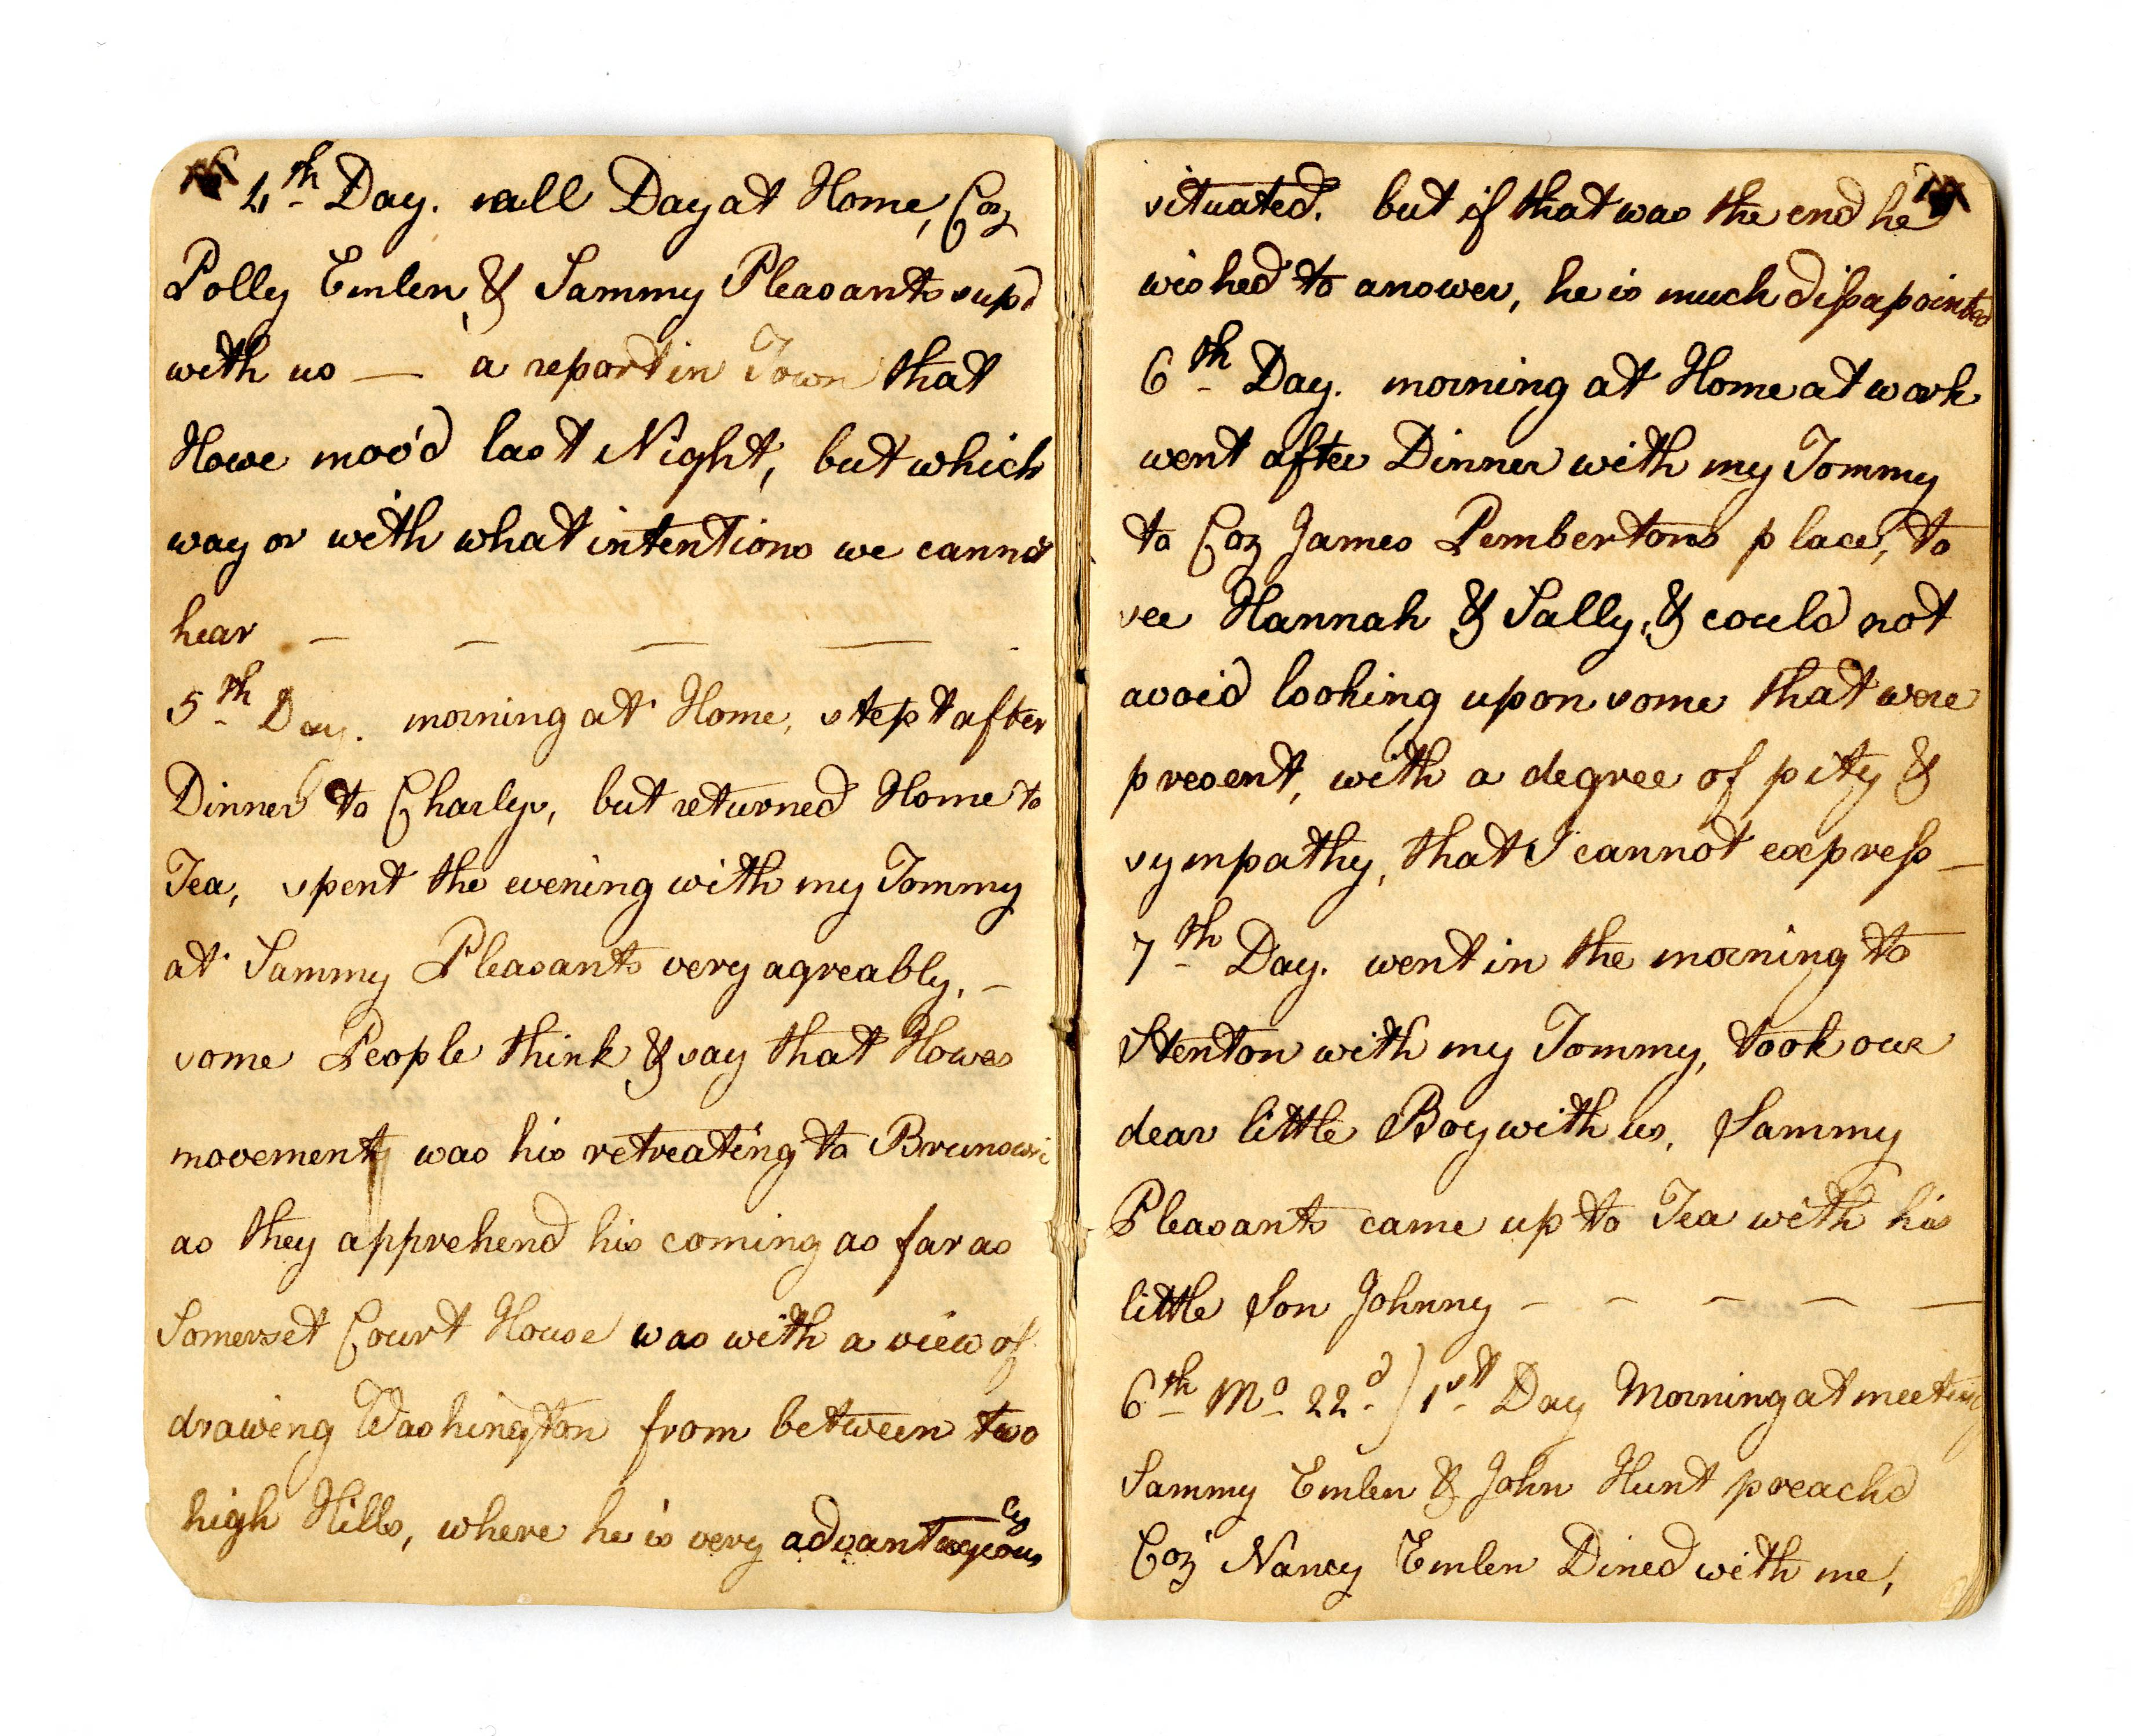4^th Day. all Day at Home, Coz
Polly Emlen & Sammy Pleasants supd
with us - a report in Town that
Howe mov'd last Night, but which
way or with what intentions we cannot
hear-
5^th Day. morning at Home, stept after
Dinner to Charlys, but returned Home to
Tea, spent the evening with my Tommy
at Sammy Pleasants very agreably.-
some People think & say that Howes
movement was his retreating to Brunswic
as they apprehend his coming as far as
Somerset Court House was with a view of
drawing Washington from between two
ly
high Hills, where he is very advantageous
situated. but if that was the end he
wished to answer, he is much dissapointed
6^th Day. morning at Home at work
went after Dinner with my Tommy
to Coz James Pembertons place, to
see Hannah & Sally, & could not
avoid looking upon some that were
present, with a degree of pity &
sympathy, that I cannot express-
7^th Day. went in the morning to
Stenton with my Tommy, took our
dear little Boy with us, Sammy
Pleasants came up to Tea with his
little Son Johnny
6^th M^o 22^d.) 1^st Day Morning at meeting
Sammy Emlen & John Hunt preachd
Coz' Nancy Emlen Dined with me,